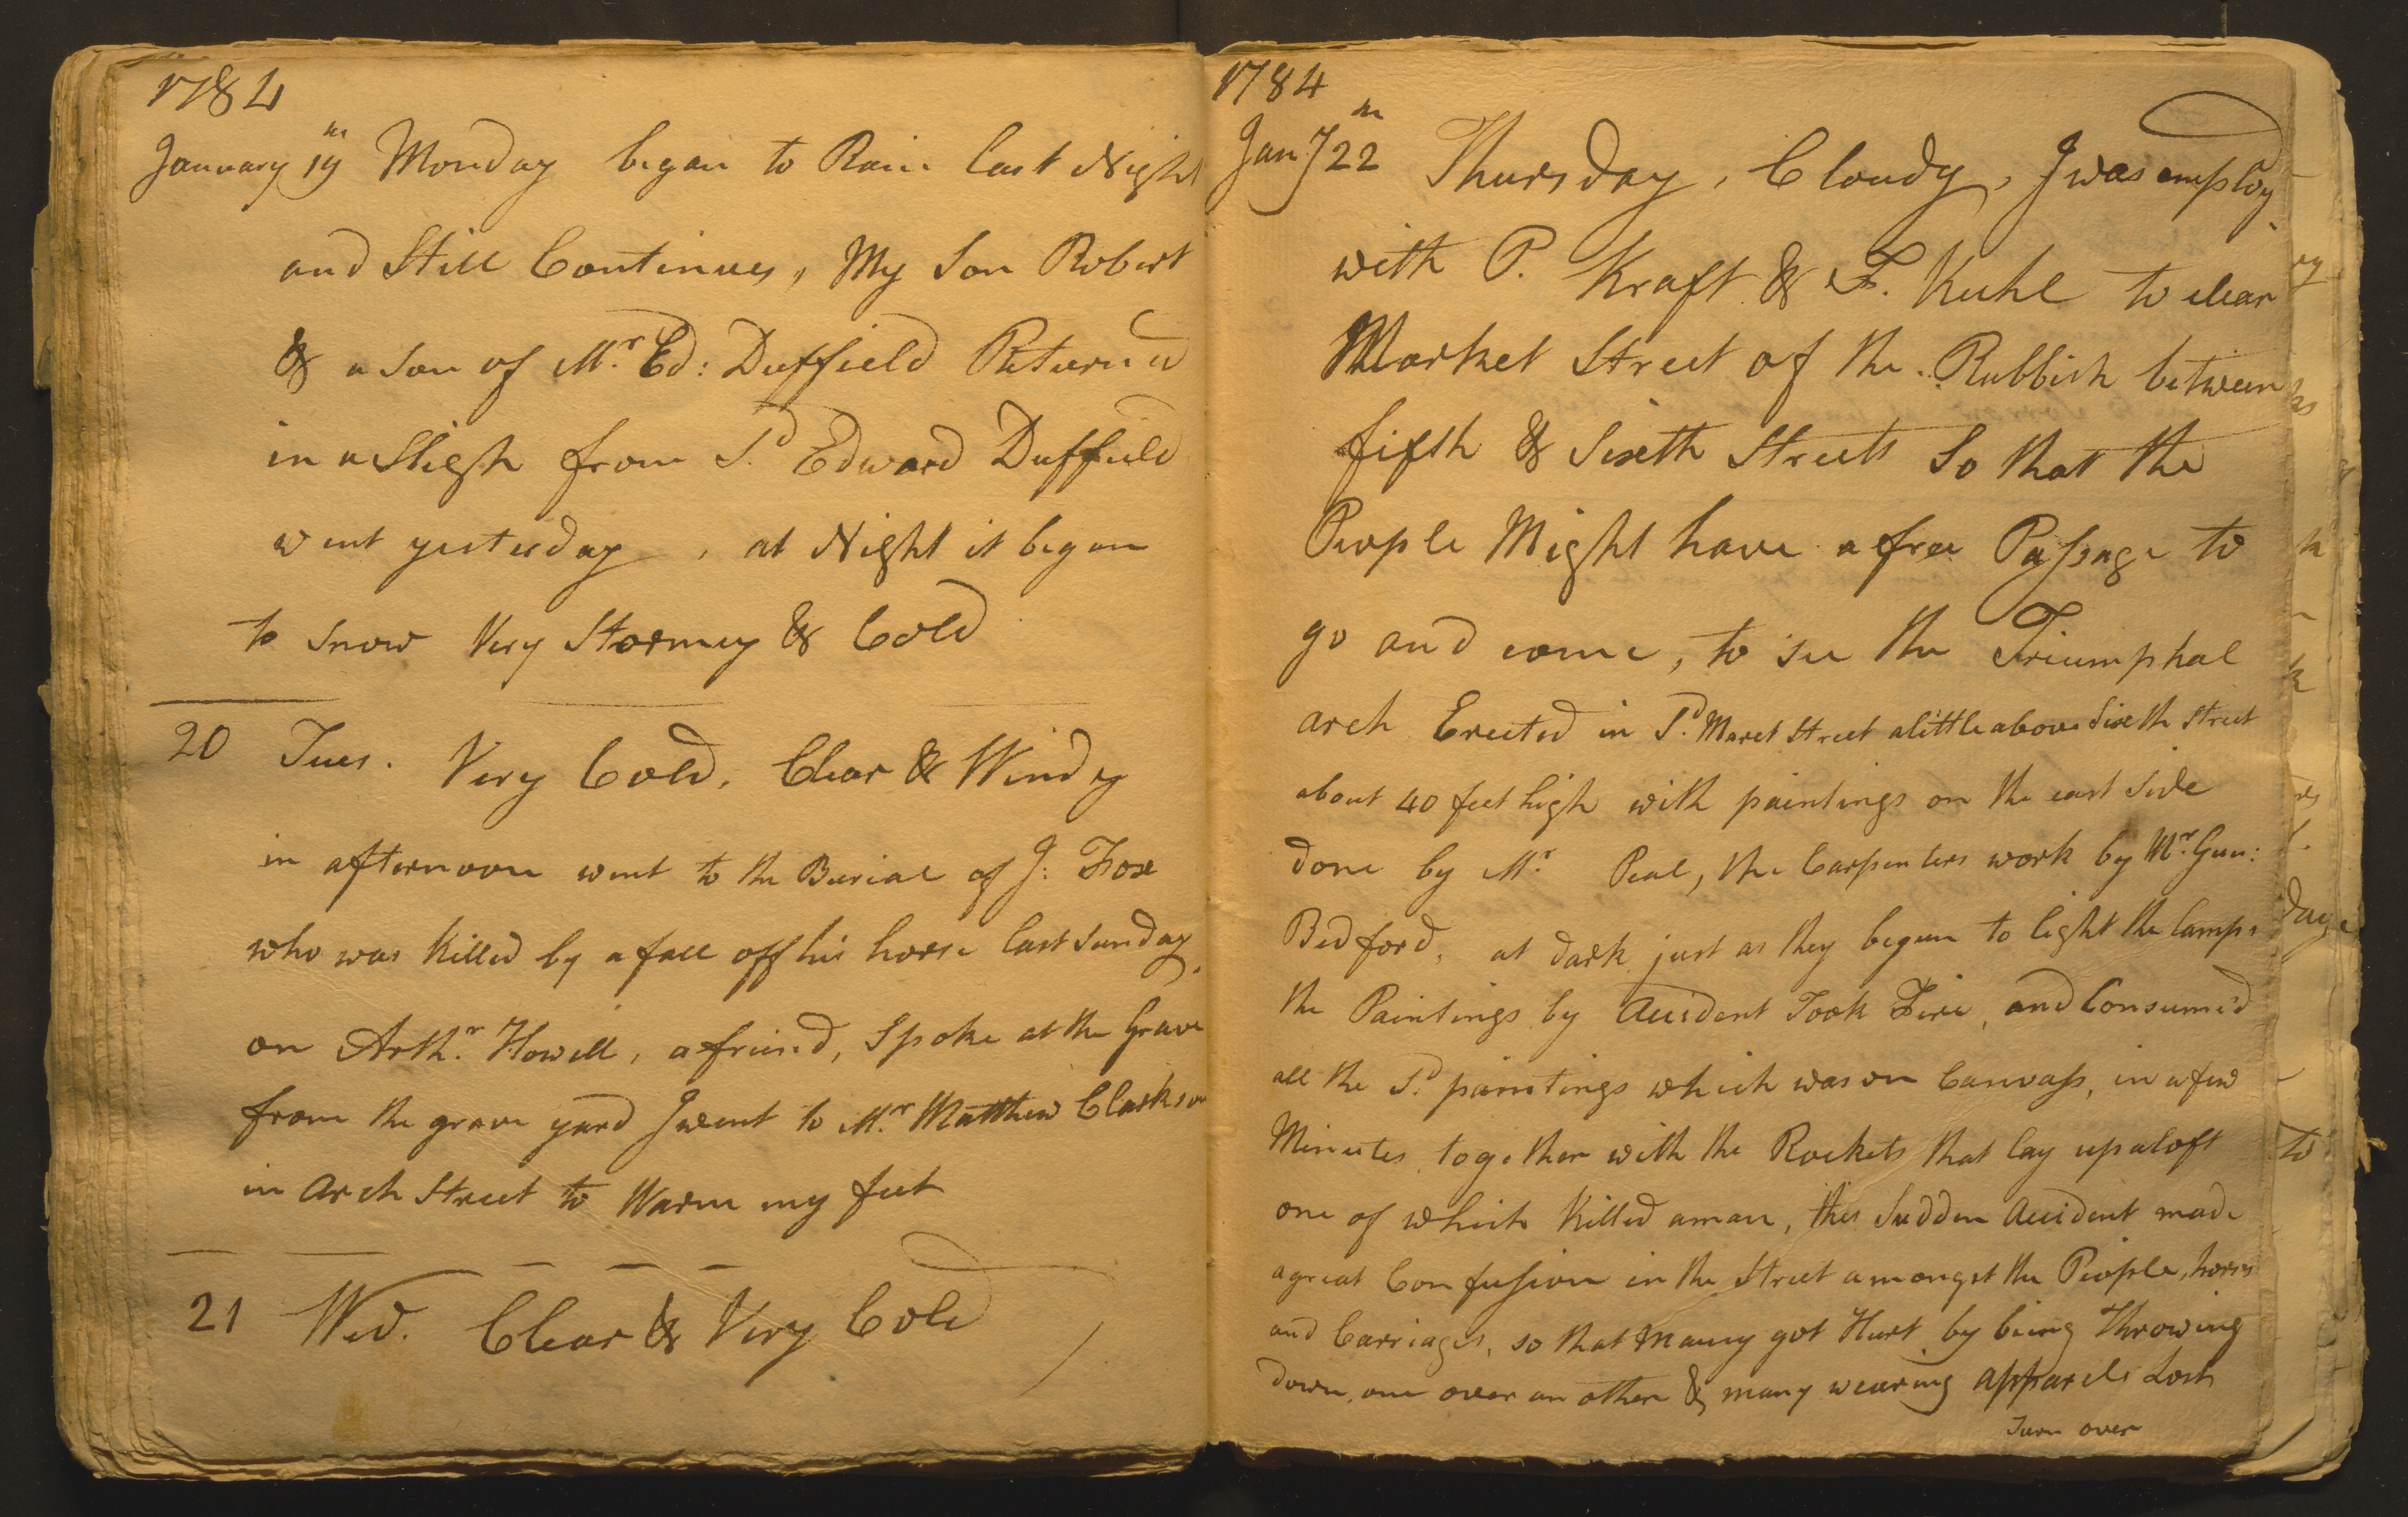1784
January 19^th Monday began to Rain last Nigh
and Still Continues, My Son Robert
& a Son of M^r. Ed: Duffield Returned
in a Sligh from s^d. Edward Duffield
went yesterday, at Night it began
to Snow Very Stormey & Cold
20 Tues. Very Cold. Clear & Windy
in afternoon went to the Burial of J: Fox
who was Killed by a fall off his horse last Sunday
on Arth^r. Howell, a friend, Spoke at the Grave
from the grave yard went to M^r. Matthew Clarkson
in Arch Street to Warm my feet
21 Wed. Clear & Very Cold
1784
Jan^y 22 Thursday Cloudy I was employ^d
with P. Kraft & F. Kuhl to clear
Market Street of the Rubbish between
fifth & Sixth Streets so that the
People Might have a free Passage to
go and come, to see the Triumphal
Arch Erected in S^d. Maret Street a little above Sixth street
about 40 feet high with paintings on the east side
done by M^r. Peal, the Carpenters work by M^r. Gun:
Bedford. at dark just as they begun to light the lamps
the Paintings by Accident Took Fire and Consume'd
all the s^d. paintings which was on Canvass, in a few
Minutes to go then with the Rockets that lay up aloft
one of which Killed a man, this Sudden Accident made
agreat Confusion in the Street among it the People, horses
and Carriages, so that Many got Hurt by being Throwing
down one over an other & many wearing apparels Lost
Turn over